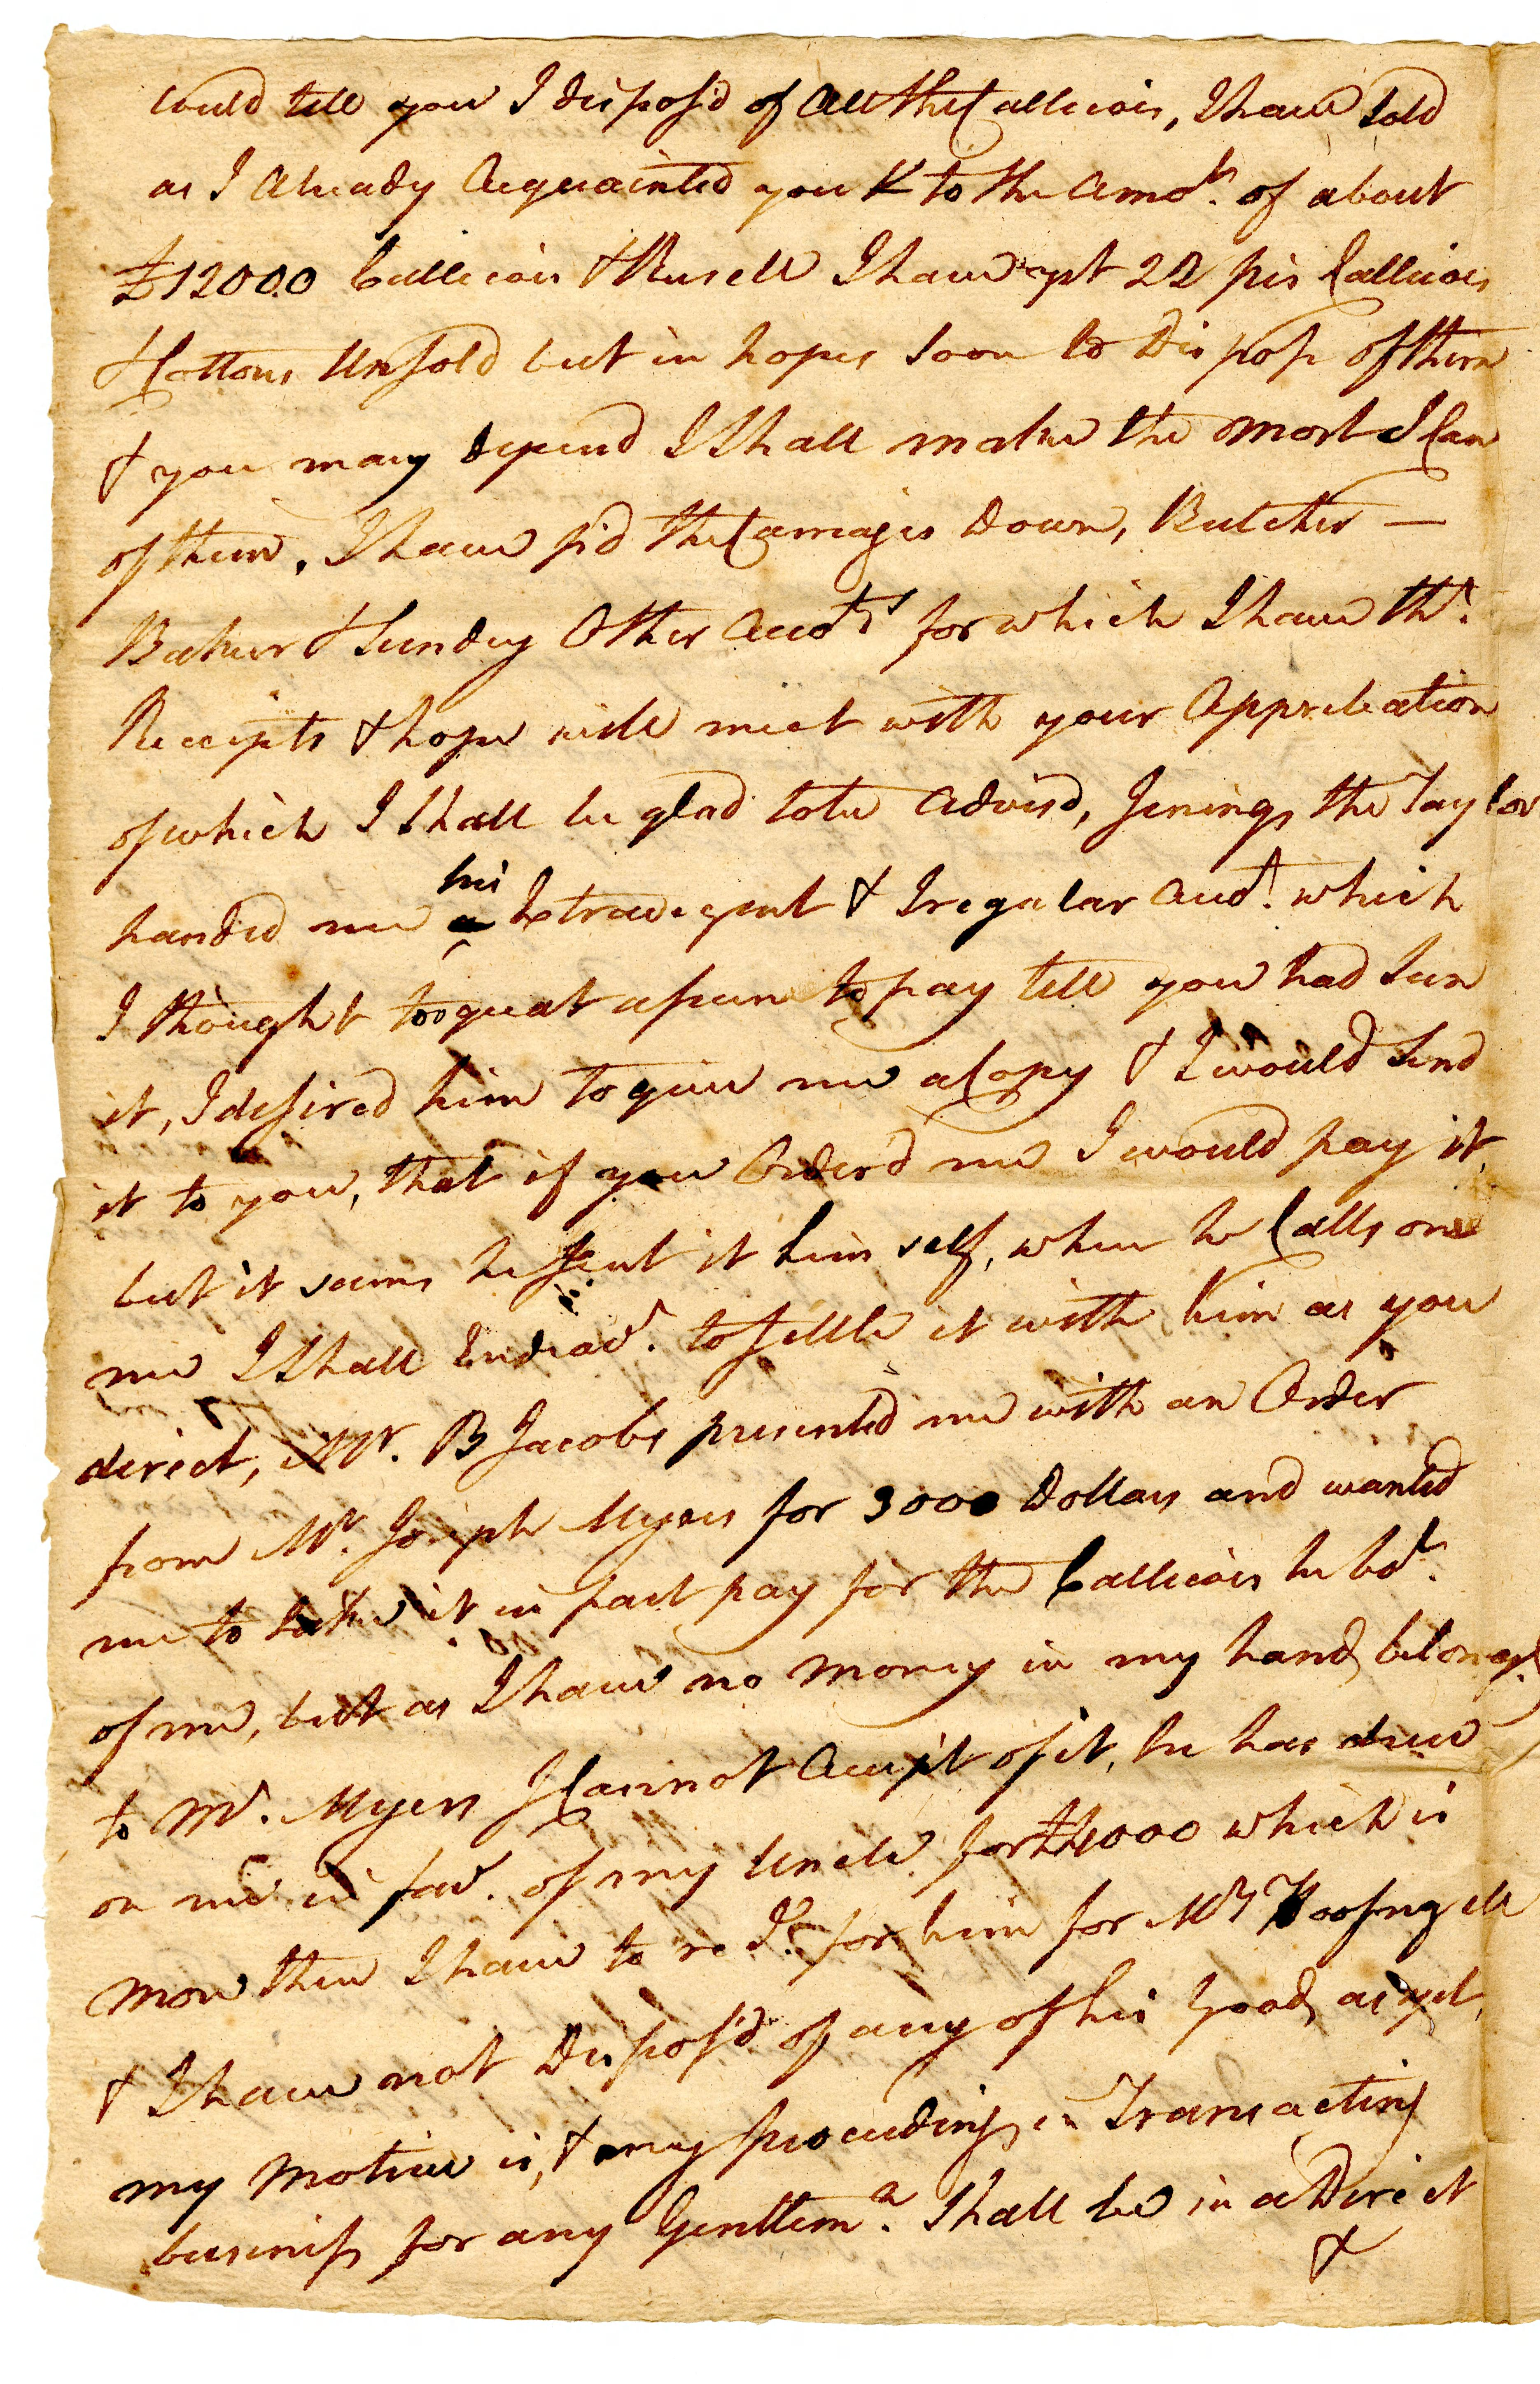could tell you I dispos'd of all the Callecois, I have sold
as I Already Acquainted you & to the Amo^ts. of about
£ 1200.0 Callecois & Burrell I have yet 22 pis Callicoes
& Cottons Unsol'd but in hopes soon to Dispose of them
& you may depend I shall make the most I can
of them, I rece^d p'd the Carriages Down, Butcher-
Baker & Sundry Other acco^ts for which I have th^r.
Receipts & hope will meet with your appreciation
of which I shall be glad to be advisd, Jening, the Taylor
his
handed me [] ^Extravagant & Irregular acco^t. which
I though too great a chance to pay till you had seen
it, I desired him to give me a Copy & I would send
it to you, that if you Order'd me I would pay it,
but it seems he sent it him self, when he calls on
me I shall Endeav^r. to settle it with him as you
direct, M^r. B Jacobs presented me with an Order
from M^r. Joseph Myers for 3000 Dollars and wanted
me to take is in part pay for the Callicoes he bo^t.
of me, but as I have no money in my hand, belong^g.
to M^r. Myers I Cannot Accept of it, he has drew
on me in fav^r. of my Uncle for £4000 which is
more then I hauve to rec^d. for him for M^r Hoofngell
& I have not Dispos'd of any of his Goods, as yet
my motive is, & any proceeding, Transacting
business for any Gentlem^n. I shall be in a Direct